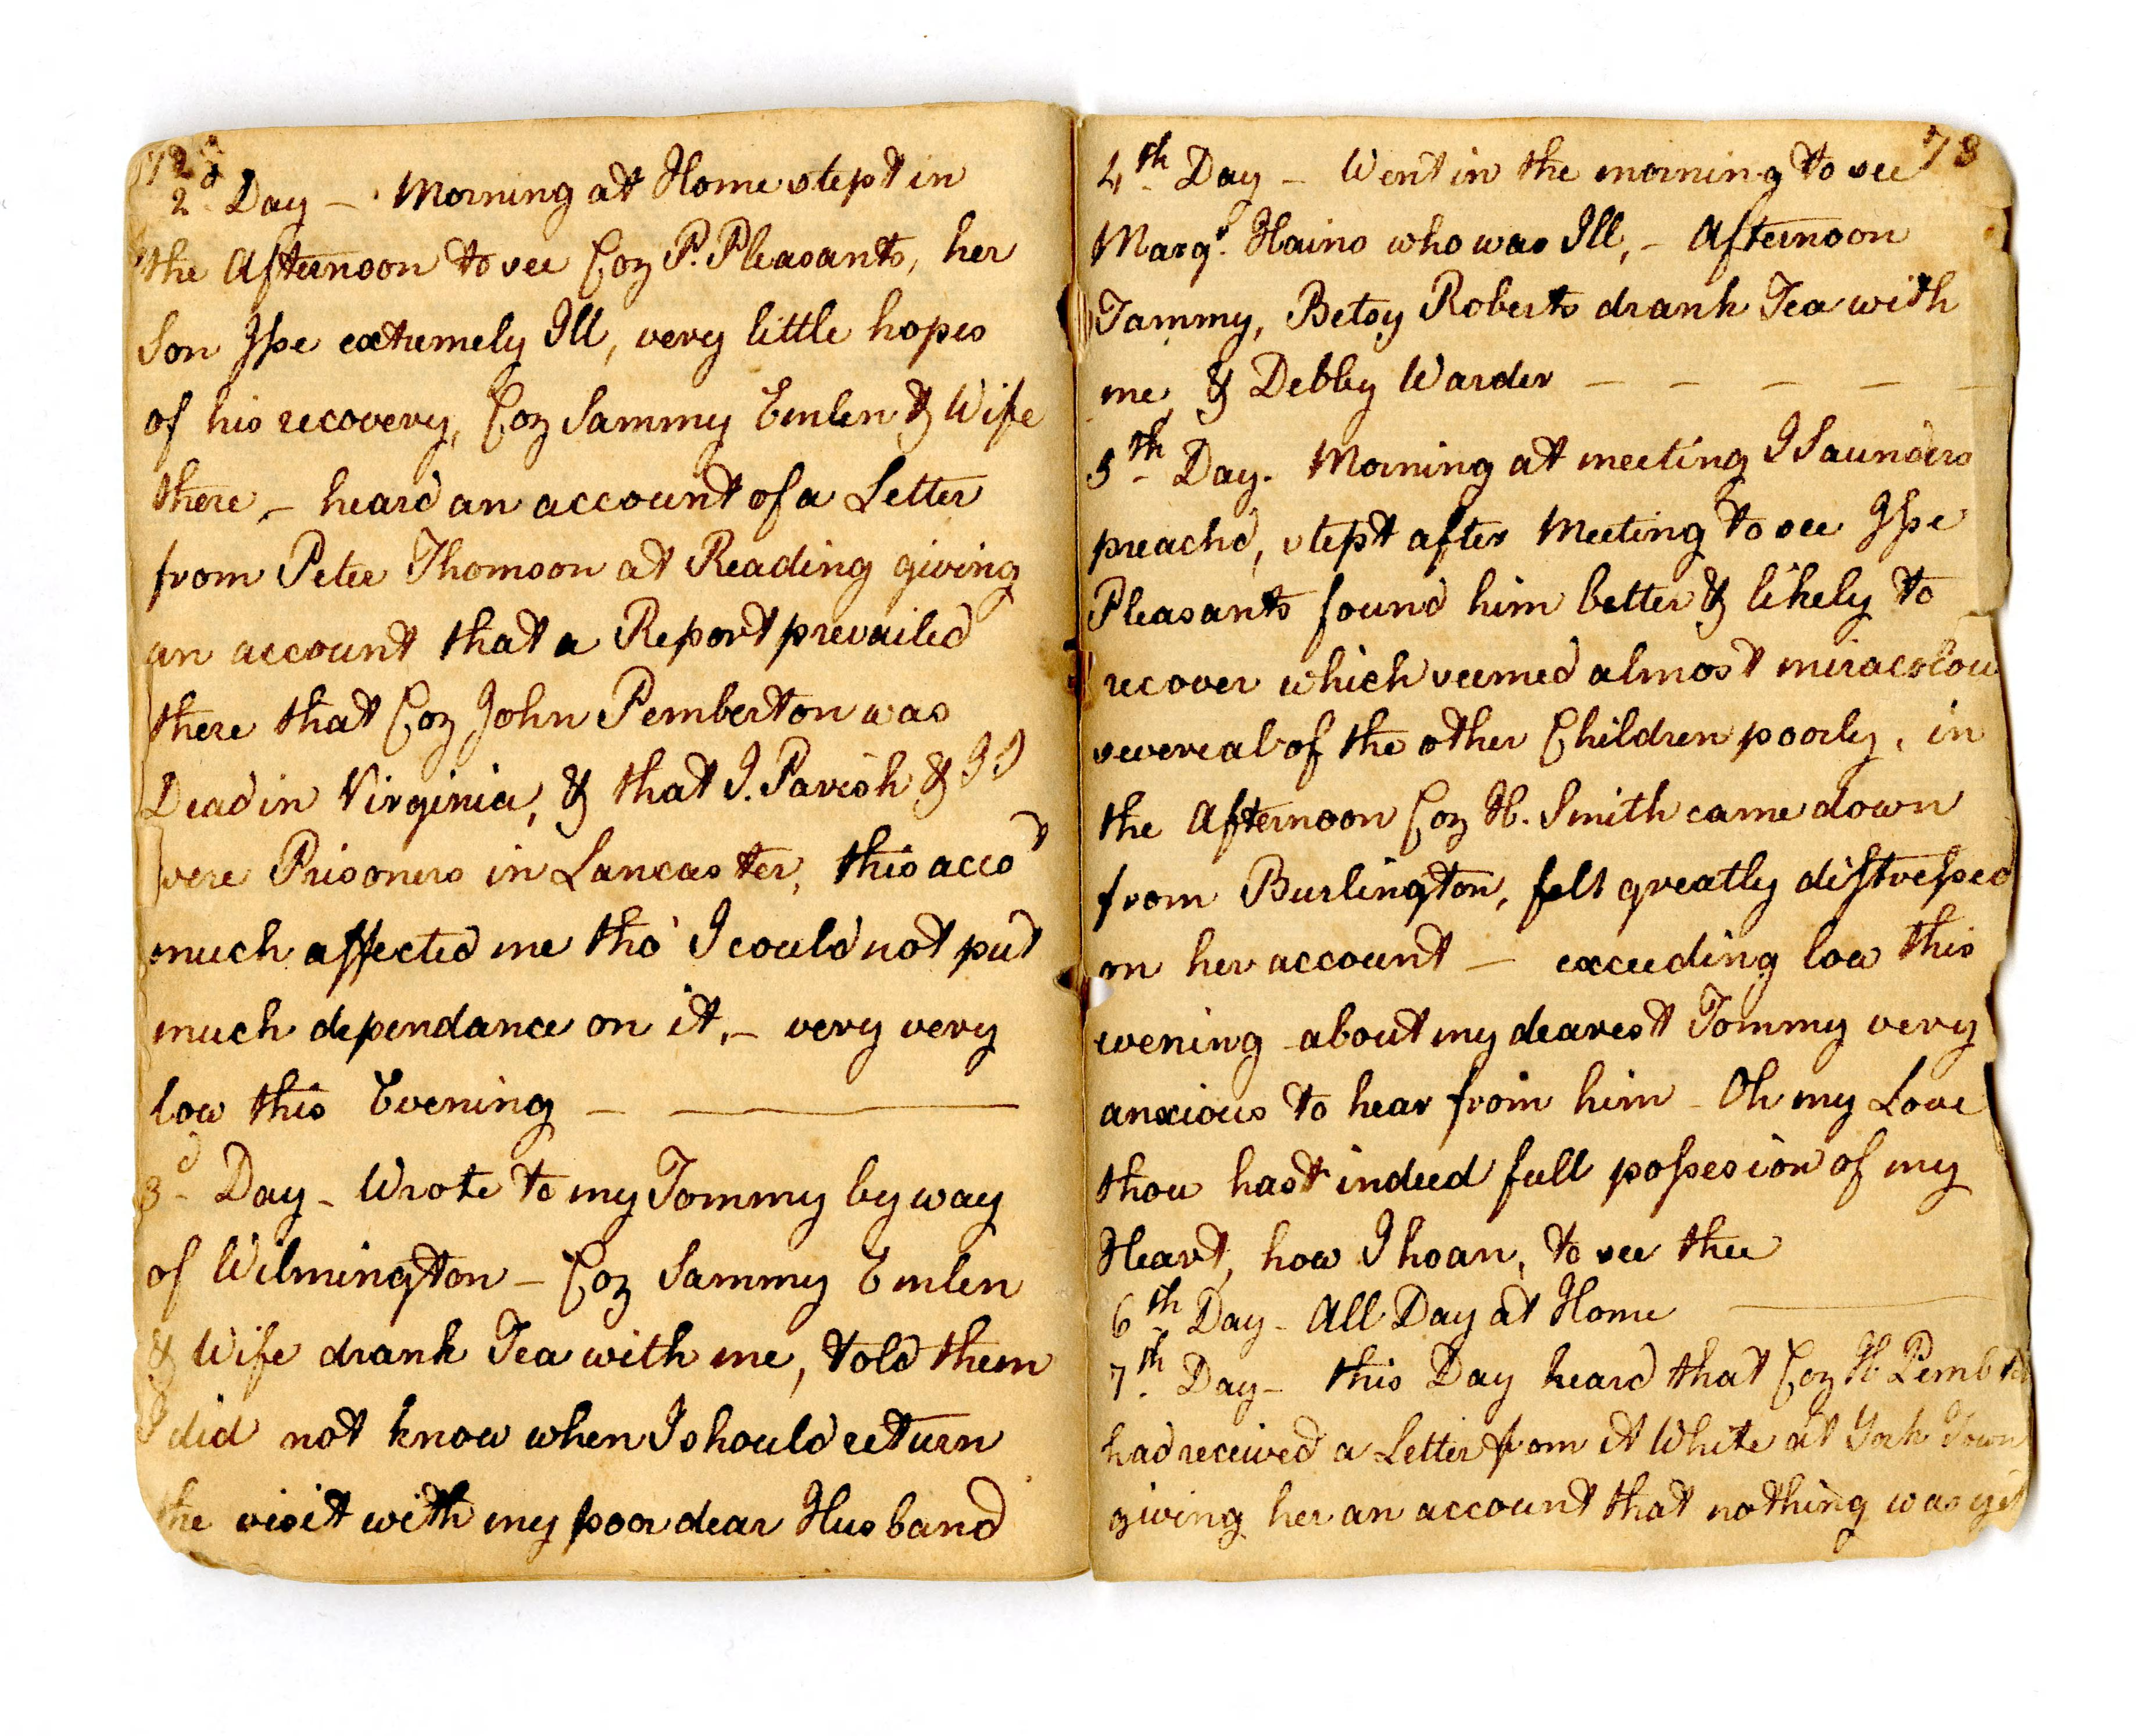72
2^d Day- Morning at Home stept in
the Afternoon to see Coz P. Pleasants, her
Son Jsse extremely Ill, very little hopes
of his recovery, Coz Sammy Emlen & Wife
there- heard an account of a Letter
from Peter Thomson at Reading giving
an account that a Report prevailed
there that Coz John Pemberton was
Dead in Virginia & that I. Parish & JJ
were Prisoners in Lancaster, this acco^t
much affected me tho' I could not put
much dependance on it,- very very
low this Evening-
3^d Day- Wrote to my Tommy by way
of Wilmington- Coz Sammy Emlen
& Wife drank Tea with me, told them
I did not know when I should return
the visit with my poor dear Husband
4^th Day- Went in the morning to see
Marg^r. Hains who was Ill,- Afternoon
Tammy, Betsy Roberts drank Tea with
me, & Debby Warder-
5^th Day. Morning at meeting I Saunders
preachd, stept after Meeting to see Jsse
Pleasants found him better & likely to
recover which seemed almost miracolou
severeal of the other Children poorly, in
the Afternoon Coz H. Smith came down
from Burlington, felt greatly distresses
on her account- exceeding low this
evening about my dearest Tommy very
anxious to hear from him- Oh my Love
thou hast indeed full possesion of my
Heart, how I hoan, to see thee
6^th Day- All Day at Home
7^th Day- this Day heard that Coz H Pembton
had received a Letter from A White at York Town
giving her an account that nothing was yet